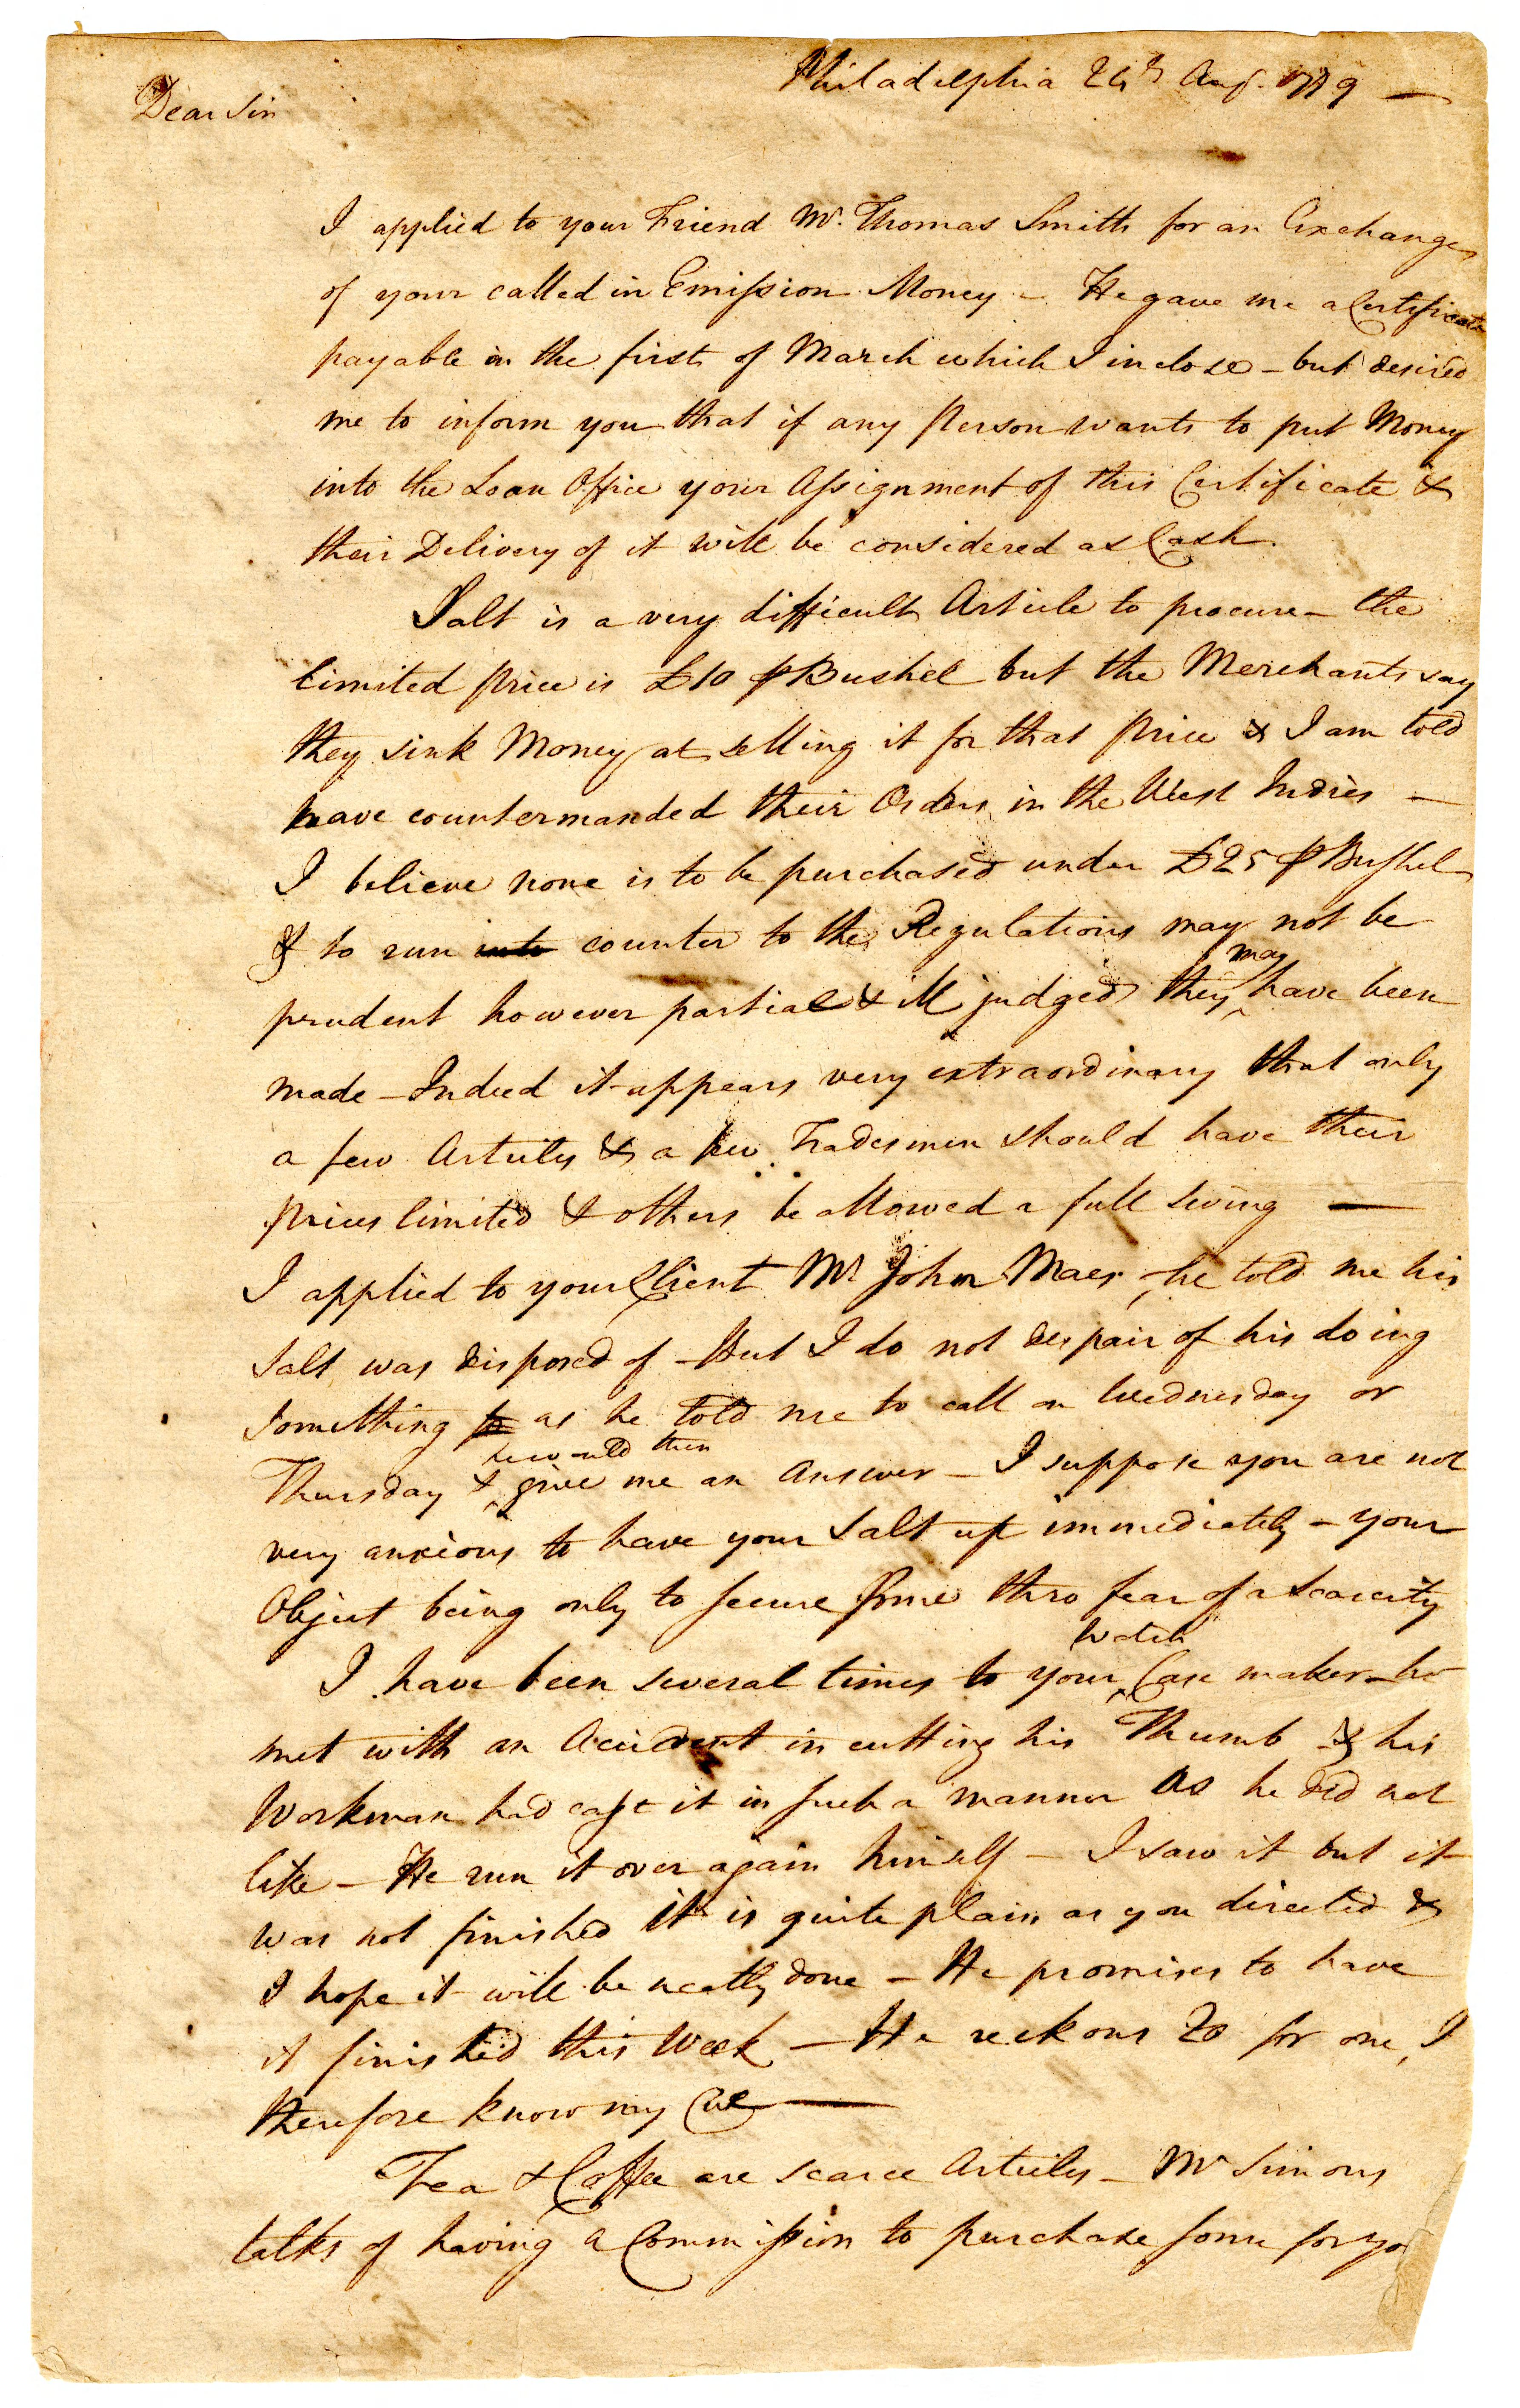Philadelphia 24^th Aug^t. 1779
Dear Sir
I applied to your Friend M^r. Thomas Smith for an Exchange
of your called in Emission Money. He gave me a Certificate
payable on the first of March which I inclose, but desired
me to inform you that if any person wants to put Money
into the Loan Office your Assignment of this Certificate &
their Delivery of it will be considered as Cash.
Salt is a very difficult Article to procure. the
limited price is £10 per Bushel but the Merchants say
they sink Money at selling it for that price & I am told
have countermanded their Orders in the West Indies.
I believe none is to be purchased under £25 per Bushel
& to run into counter to the Regulations may not be
may
prudent however partial & ill judged they ^ have been
made. Indeed it appears very extraordinary that only
a few Articles & a few Tradesmen should have their
prices limited & others be allowed a full swing.
I applied to your Client M^r.John Maes he told me his
salt was disposed of. But I do not despair of his doing
something so as he told me to call on Wednesday or
here would then
Thursday & ^ give me an answer. I suppose you are not
very anxious to have your salt up immediately. your
Object being only to secure forces thro far of Scarcity
Watch
I have been several times to your ^ Case maker. he
met with an Accident in cutting his Thumb & his
Workman had cast it in such a manner as he did not
life. He run it over again himself. I saw it but it
was not finished lt is quite plain as you directed &
I hope it will be neatly done. He promises to have
it finished this week. He reckons 20 for one, I
therefore know my Cue
Tea & Coffee are scarce Articles. M^r Simons
talks of having & Commission to purchase some for yo-